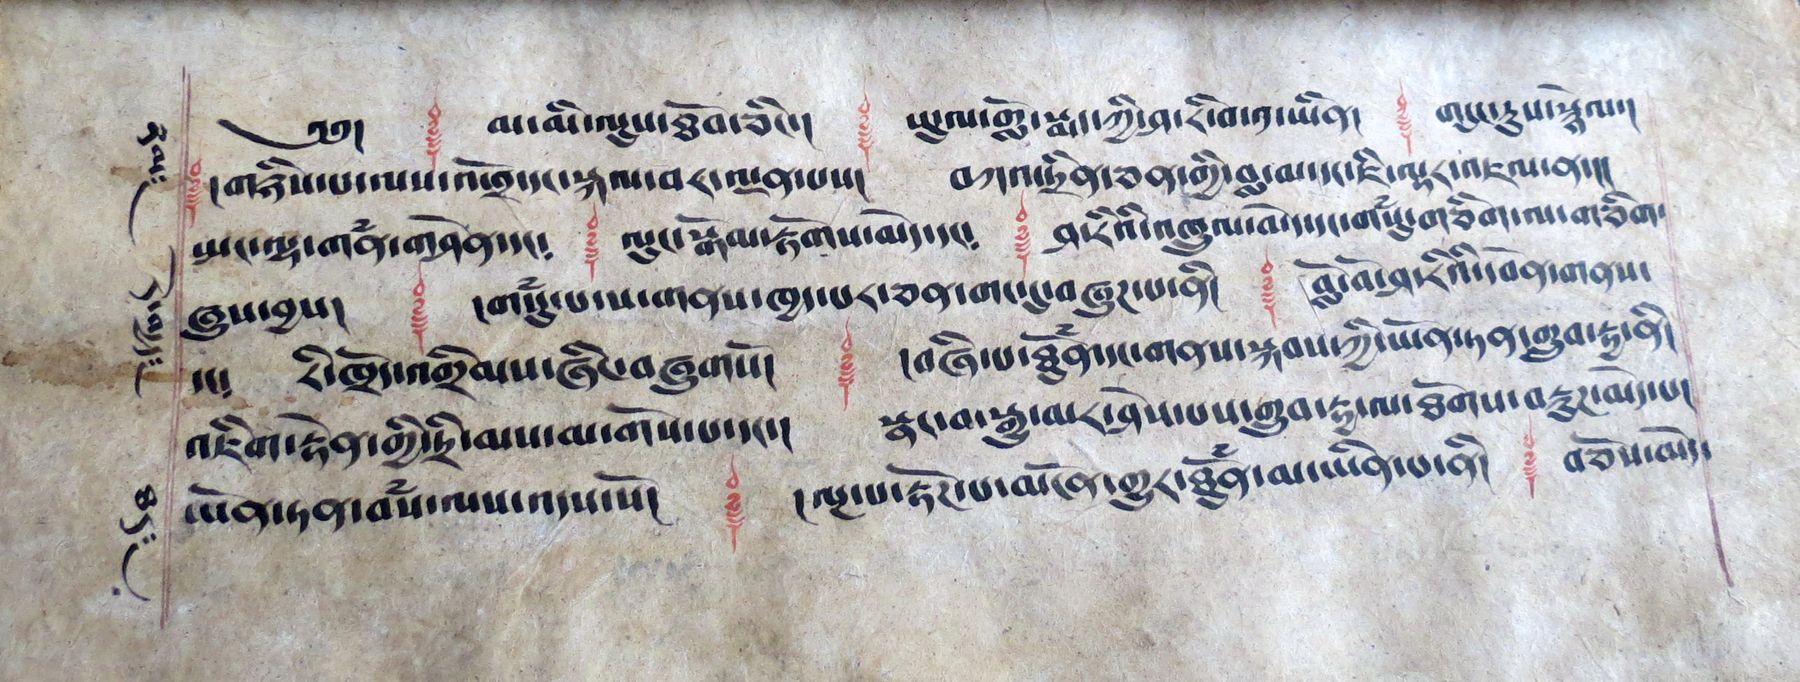མ་མི་ལུས་ཐོབ་ཅིང་། ཡུལ་གློ་སྨད་ཀྱི་ཤ་རི་བ་ཞིག་ཡིན། གདུང་རུས་སྙེལ། 
།གཉིས་པ་ལས་འཕྲོ་དང་སྐལ་པར་ལྡན་པས། བཀའ་དྲིན་ཅན་གྱི་བླ་མ་དང་ཅི་ལྟར་མཇལ་ན། 
སྤང་ལྷ་ནམ་གཤེན་དང་། ལུང་སྒོམ་རྟོག་མེད་དང་། ཤ་རིའི་འཁྲུལ་མེད་དང་གསུམ་གཅིག་ལ་གཅིག་
ཞུ་བྱས། གསུམ་པ་ས་གནས་ཁྱད་པར་ཅན་གང་དུ་བཞུགས་པ་ནི། གློ་བོ་ཤ་རིའི་དབེན་གནས་
དང་། རི་ཁྲོད་འགྲིམས་ཤིང་བཞུགས། བཞི་པ་ཐུན་མོང་དང་གནས་སྐབས་ཀྱི་ཡོན་ཏན་གྲུབ་རྟགས་ནི། 
འཇིག་རྟེན་གྱི་དྲི་མས་མ་གོས་པ་དང་། སྣང་བ་སྒྱུ་མར་ཤེས་པས་གྲུབ་རྟགས་ལ་ཐོགས་རྡུགས་མེད་པ། 
ཡོན་ཏན་བསམ་ལས་འདས་སོ། ། ལྔ་པ་རྟོགས་པ་མངོན་གྱུར་ཐུན་མོང་མ་ཡིན་པ་ནི། བཅོས་མེད་